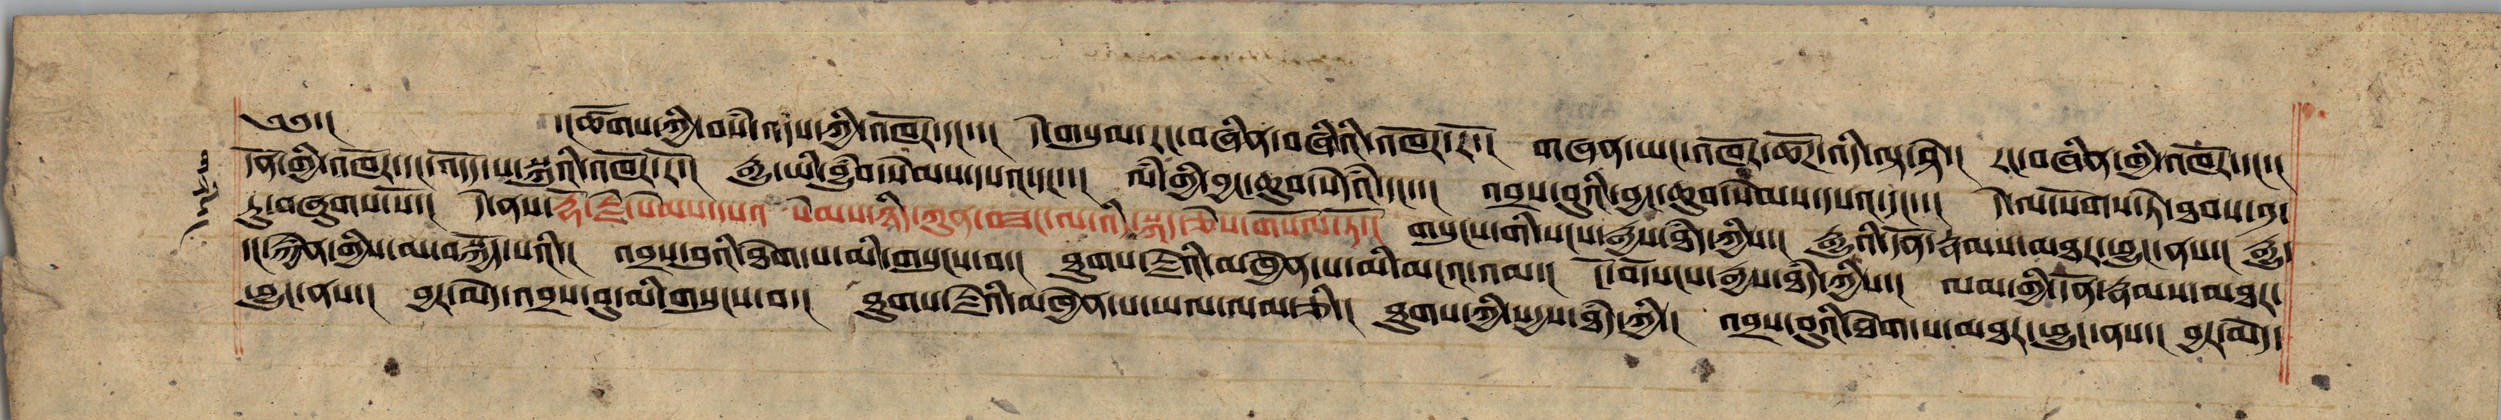༄༅་། ་།ཚོགས་ཀྱི་བསཾ་འདས་ཀྱི་འཁོར་དང་་། དེ་གསུམ་རང་བཞིན་བཞིའི་འཁོར་རོ་། གཞན་ཡང་འཁོར་ཚོཌ་འདི་ལྟ་སྟེ་། རང་བཞིན་གྱི་འཁོར་དང་།
དོན་གྱི་འཁོར་དང་འདོད་པ་སྐུའི་འཁོར་རོ་། རྒྱུ་ཡི་བྱུཾབ་སེམས་དཔའ་དང་་། ལཾ་གྱི་བྱང་ཆུབ་སེཾདའ་དང་་། འབྲས་བུའི་བྱང་ཆུབ་སེམས་དཔའ་དང་་། དེ་ལ་སོགས་ཏེ་ཐབས་༡་
ཏུ་བཞུགས་སོ་། དེ་ནས་རྡོརྗེ་སེམས་དཔའ་ སེམས་ཉིད་ཀུན་བཟང་ལ་འདི་སྐད་ཅེས་གསོལ་ཏོ་། གསུངས་གི་སངས་རྒྱས་ཐཾད་ཀྱིས་། རྒྱུའི་དོན་རྣམས་མཐར་ཕྱུང་ནས་། རྒྱུ་
དང་རྐྱེན་གྱིས་མ་བསྐྱོད་པའི་། འབྲས་བུའི་ཐེག་པ་མི་གསུངས་བ་། ཐུགས་རྗེའི་མཁྱེན་པ་མི་མངའ་འམ་། ངོ་བོ་སངས་རྒྱས་ཐཾད་ཀྱིས་། ལམ་གྱི་དོན་རྣམས་མཐར་
ཕྱུང་ནས་། བྱར་མེད་འབྲས་བུ་མི་གསུངས་བ་། ཐུགས་རྗེའི་མཁྱེན་པ་ཡལ་ལམ་ཅི་། ཐུགས་ཀྱི་སདྱས་ཐཾད་ཀྱི་། འབྲས་བུའི་ཐེག་པ་མཐར་ཕྱུང་ནས་། བྱར་མེད་